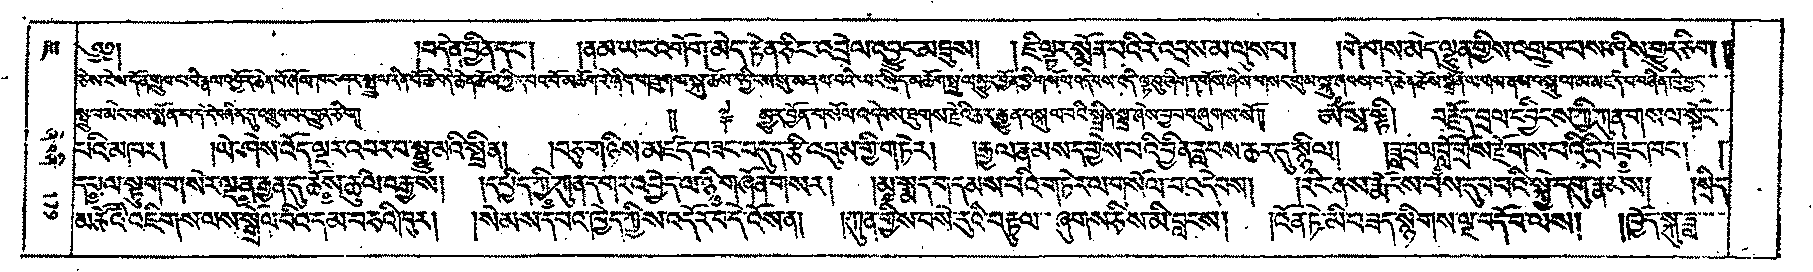༄༅། །བདེན་བྱིན་དང་། །ནམ་ཡང་འགོག་མེད་རྟེན་ཅིང་འབྲེལ་འབྱུང་མཐུས། །ཇི་ལྟར་སྨོན་པའི་རེ་འབྲས་མ་ལུས་པ། །གེགས་མེད་ལྷུན་གྱིས་འགྲུབ་པས་ཤིས་གྱུར་ཅིག །
ཅེས་ངེས་དོན་གྲུབ་པའི་རྣལ་འབྱོར་ཆེན་པོ་ཞོལ་ཁང་ཤར་སྤྲུལ་རིན་པོ་ཆེ་བདེ་ཆེན་ཆོས་ཀྱི་དཔའ་བོ་མཆོག་རེ་ཞིག་གཟུགས་སྐུ་ཆོས་དབྱིངས་སུ་མནལ་བའི་ཡང་སྲིད་མཆོག་སྤྲུལ་མྱུར་བྱོན་གྱི་གསོལ་འདེབས་འདི་ལྟ་བུ་ཞིག་དགོས་ཞེས་གསང་ཡུམ་སྐུ་ཞབས་བདེ་ཆེན་ཆོས་སྒྲོན་ལགས་ནས་བསྐུལ་མ་མཛད་པ་བཞིན་ཁྲི་བྱང་
སྤྲུལ་མིང་པས་སྨོན་པ་དེ་དེ་བཞིན་དུ་འགྲུབ་པར་གྱུར་ཅིག ། །། ༈ མྱུར་བྱོན་གསོལ་འདེབས་ཐུགས་རྗེའི་ཆར་རྒྱུན་བསྐུལ་བའི་སྤྲིན་སྒྲ་ཞེས་བྱ་བ་བཞུགས་སོ། །ཨོཾ་སྭ་སྟི། བརྗོད་བྲལ་དབྱིངས་ཀྱི་ཀུན་གསལ་སྟོང་
པའི་མཁར། །ཡེ་ཤེས་འོད་ལྔར་འབར་བ་སྒྱུ་མའི་སྤྲིན། །བཅུ་གཉིས་མཛད་བཟང་བདུད་རྩི་འབུམ་གྱི་གཏེར། །རྒྱལ་རྣམས་དགྱེས་པའི་བྱིན་རླབས་ཆར་དུ་སྙིལ། །ཟླ་བྲལ་བློ་གྲོས་རྫོགས་པའི་དྲི་བཟང་ཁང་། །
དཔལ྾་སྟུག་གསེར་ལྡན྾་རྒྱན་དུ་ཆོས྾་ཚུལ་བརྒྱས། །དཔྱིད་ཀྱི྾་ཀུན་དགར་འབྱེད་ལ་ཉི྾་གཞོན་གསར། །མ྾་སྨད་གདམས་པའི་གཏེར་ལ་གསོལ་བ་འདེབས། །རིང་ནས་རྨོངས་པས་དུབ་པའི་སྐྱེ་དགུ་རྣམས། །སྲིད་
མཚོའི་འཇིགས་ལས་སྒྲོལ་བའི་དམ་བཅའི་ཁུར། །སེམས་དཔའ་ཁྱེད་ཀྱིས་འདོར་བ་དེ་འོས་ན། །ཀུན་གྱིས་བསེ་རུའི་བརྟུལ་ཞུགས་ཅིས་མི་བླངས། །འོན་ཏེ་མི་བཟད་སྙིགས་ལྔ་བདོ་བ་ལས། །ཁྱོད་སྐུ་ཟླ་